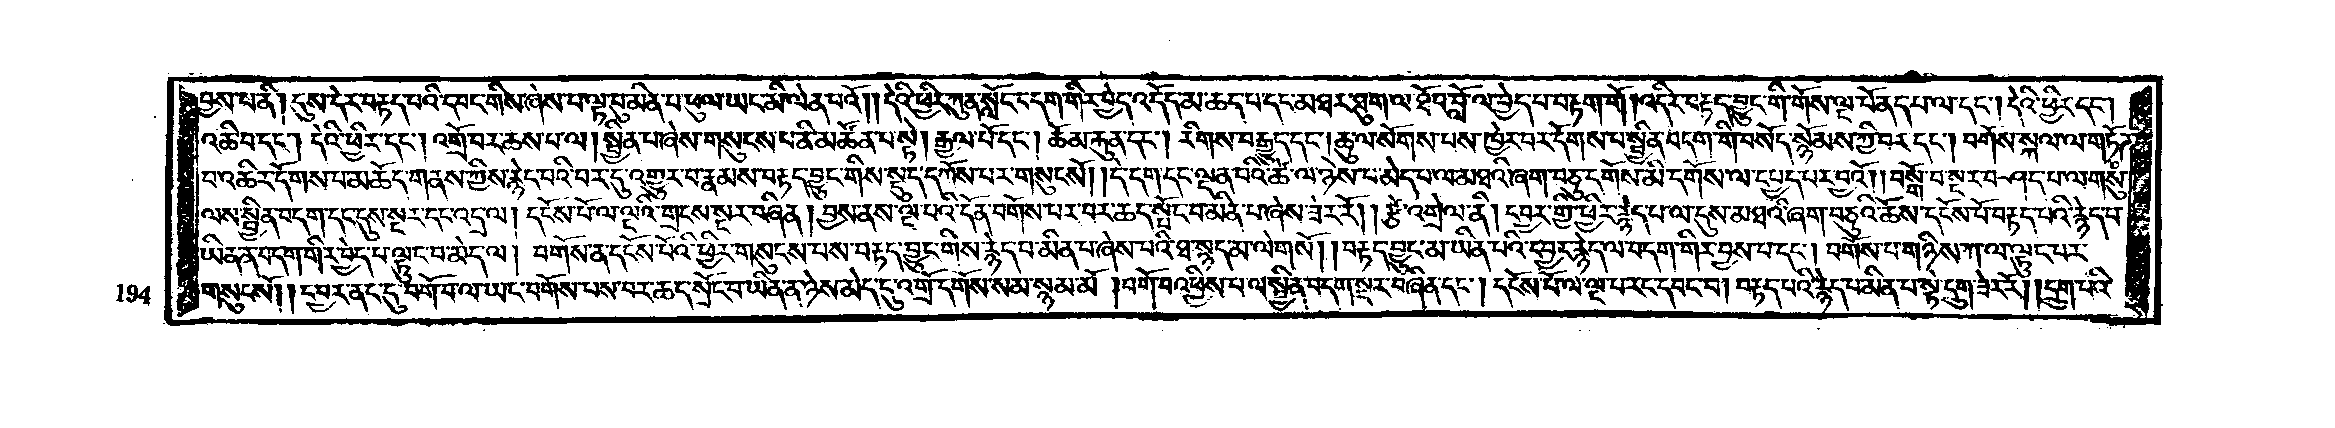བྱས་པ་ནི། དུས་དེར་བརྟད་པའི་དབང་གིས་ཞེས་པ་ལྟ་བུ་མིན་པ་ཕུལ་ཡང་མི་ལེན་པའོ། །དེའི་ཕྱིར་ཀུན་སློང་བདག་གིར་བྱེད་འདོད་མ་ཆད་པ་དང་མཐར་ཐུག་ལ་ཐོབ་བློ་ལ་བྱེད་པ་བརྟག་གོ །འདིར་བརྟད་བྱུང་གི་གོས་ལྔ་པོ་ནད་པ་ལ་དང་། དེའི་ཕྱིར་དང་།
འཆི་བ་དང་། དེའི་ཕྱིར་དང་། འགྲོ་བར་ཆས་པ་ལ། སྦྱིན་པ་ཞེས་གསུངས་པ་ནི་མཚོན་པ་སྟེ། རྒྱལ་པོ་དང་། ཆོམ་རྐུན་དང་། རིགས་བརྒྱུད་དང་། ཆུ་ལ་སོགས་པས་ཁྱེར་བར་དོགས་པ་སྦྱིན་བདག་གི་བསོད་སྙོམས་ཀྱི་བར་དང་། བགོས་སྐལ་ལ་གཏེགས་
པ་འཆིར་དོགས་པ་མཆོད་གནས་ཀྱིས་རྙེད་པའི་བར་དུ་འགྱུར་བ་རྣམས་བརྟད་བྱུང་གིས་སྡུད་དཀོས་པར་གསུངས་སོ། །དེ་དག་དང་ལྡན་པའི་ཚེ་ལ་ཉེས་པ་མེད་པ་ལ་མཐའི་ཞག་བཅུ་དགོས་མི་དགོས་ལ་དཔྱད་པར་བྱའོ། །བསྒོ་བ་སྔར་བཤད་པ་ལ་གསུམ་
ལས་སྦྱིན་བདག་དང་དུས་སྔར་དང་འདྲ་ལ། དངོས་པོ་ལ་ལྔའི་གྲངས་སྔར་བཞིན། བྱས་ནས་ལྔ་པའི་དོན་བགོས་པར་བར་ཆད་སྤོང་བ་མིན་པ་ཞེས་ཟེར་རོ། །རྩ་འགྲེལ་ནི། དབྱར་གྱི་ཕྱིར་རྙེད་པ་ལ་དུས་མཐའི་ཞག་བཅུའི་ཆོས་དངོས་པོ་བརྟད་པའི་རྙེད་པ་
ཡིན་ན་བདག་གིར་བྱེད་པ་ལྟུང་བ་མེད་ལ། བགོས་ན་དངོས་པོའི་ཕྱིར་གསུངས་པས་བརྟད་བྱུང་གིས་རྙེད་པ་མིན་པ་ཞེས་པའི་ཐ་སྙད་མ་ལེགས་སོ། །བརྟད་བྱུང་མ་ཡིན་པའི་དབྱར་རྙེད་ལ་བདག་གིར་བྱས་པ་དང་། བགོས་པ་གཉིས་ཀ་ལ་ལྟུང་བར་
གསུངས་སོ། །དབྱར་ནང་དུ་བགོ་བ་ལ་ཡང་བགོས་པས་བར་ཆད་སྤོང་བ་ཡིན་ན་ཉེས་མེད་དུ་འགྲོ་དགོས་སམ་སྙམ་མོ་།བགོ་བ་འཕྱིས་པ་ལ་སྦྱིན་བདག་སྔར་བཞིན་དང་། དངོས་པོ་ལ་ལྔ་པ་རང་དབང་བ། བརྟད་པའི་རྙེད་པ་མིན་པ་སྟེ་དྲུག་ཟེར་རོ། །དྲུག་པའི་